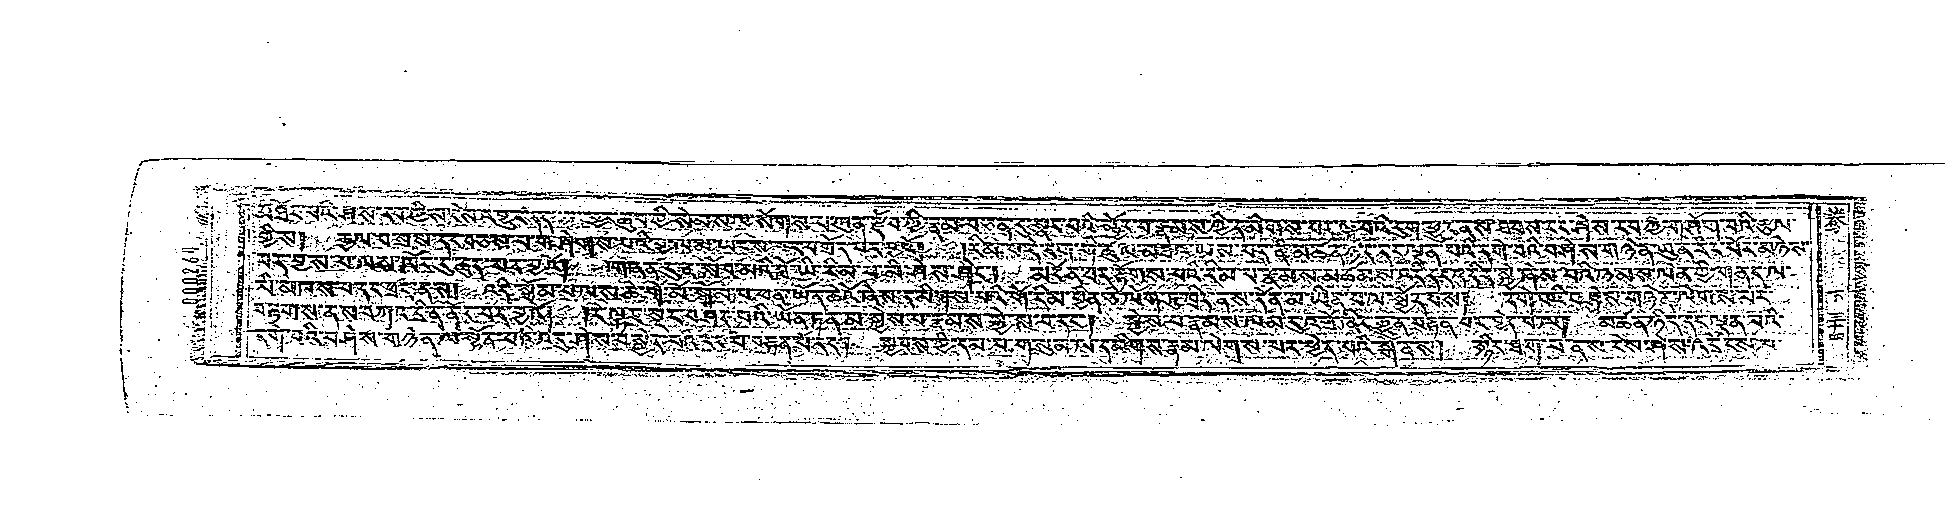མཐོང་བའི་ཤེས་རབ་ཀྱིས་ངེས་འབྱུང་དང་བྱང་ཆུབ་ཀྱི་སེམས་ལ་སོགས་པ་ཀུན་རྫོབ་ཀྱི་རྣམ་པ་ཅན་དུ་སྣང་བའི་སྤྱོད་པ་རྣམས་ཀྱི་དམིགས་པར་ལྟ་བའི་དུག་ཕྱུར་ནས་ཐབས་དང་ཤེས་རབ་ཀྱི་གཤོག་པའི་རྩལ་
གྱིས། རྒྱལ་བ་སྲས་དང་བཅས་པ་གཤེགས་པའི་བྱ་ལམ་ཡངས་པར་བགྲོད་པར་བྱའོ། །རིམ་པ་དེ་དག་གི་ཚུལ་མཐའ་ཡས་པར་ནི་མཚན་ཉིད་དང་ལྡན་པའི་དགེ་བའི་བཤེས་གཉེན་ཡུན་རིང་པོར་མཉེས་
པར་བྱས་པ་ལས་ཁོང་དུ་ཆུད་པར་བྱའོ། །གཞན་དུ་ན་སློབ་མའི་བློ་ཡི་རིམ་པ་མི་ཤེས་ཤིང་། མངོན་པར་རྟོགས་པའི་རིམ་པ་རྣམས་མཚམས་འདི་དང་འདིར་སྐྱེ་ཞེས་པའི་ཉམས་ལེན་གྱི་གནད་ལ་
མི་མཁས་པ་དང་ཕྲད་ནས། འདི་སྒོམ་པ་ལས་ཆེ་གེ་མོ་སྒོམ་པ་ཕན་ཡོན་ཆེའོ་ཞེས་དམིགས་པའི་གོ་རིམ་ཕྱིན་ཅི་ལོག་ཏུ་ཁྲིད་ནས་དོན་མ་ཡིན་པ་ལ་སྦྱོར་བས། དགེ་བའི་བཤེས་གཉེན་ལེགས་པར་
བརྟགས་ནས་བཀའ་དྲིན་ནོང་བར་བྱའོ། །དེ་ལྟར་སྔར་བཤད་པའི་ཡོན་ཏན་མ་སྐྱེས་པ་རྣམས་སྐྱེ་སླ་བ་དང་། སྐྱེས་པ་རྣམས་ལམ་དུ་འགྲོ་ཞིང་རྒྱུན་བརྟན་པར་བྱེད་པ་ལ། མཚན་ཉིད་དང་ལྡན་པའི་
དགེ་བའི་བཤེས་གཉེན་ལ་སྟོན་པའི་འདུ་ཤེས་བསྐྱེད་པའི་དང་པ་བརྟན་པོ་དང་། སྐྱབས་ཀྱི་དམ་པ་གསུམ་ལ་དམིགས་རྣམ་ལེགས་པར་བྱེད་པའི་སྒོ་ནས། སྙིང་ཐག་པ་ནས་ངེས་ཤེས་འདྲོངས་པ་